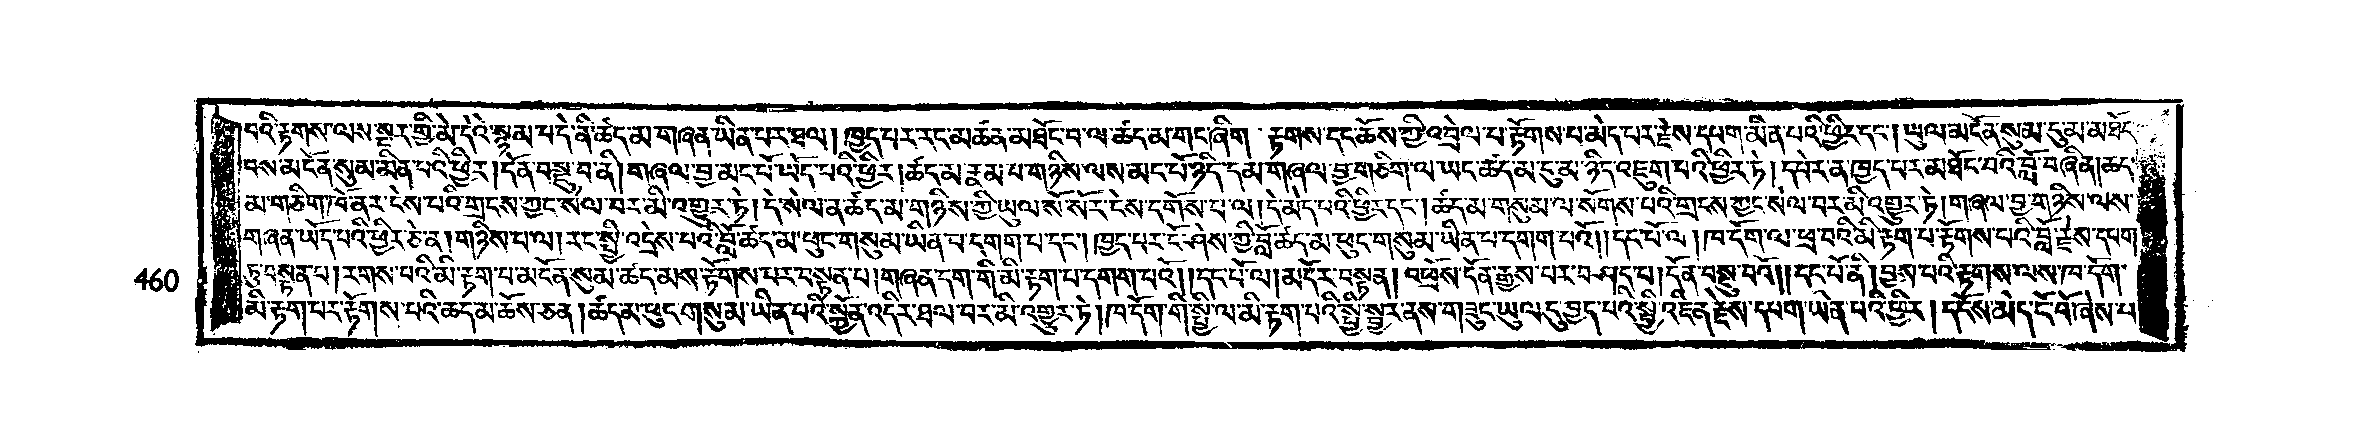བའི་རྟགས་ལས་སྔར་གྱི་མེ་དེའི་སྙམ་པ་དེ་ནི་ཚད་མ་གཞན་ཡིན་པར་ཐལ། ཁྱད་པར་རང་མཚན་མཐོང་བ་ལ་ཚད་མ་གང་ཞིག་རྟགས་དང་ཆོས་ཀྱི་འབྲེལ་པ་རྟོགས་པ་མེད་པར་རྗེས་དཔག་མིན་པའི་ཕྱིར་དང་། ཡུལ་མངོན་སུམ་དུ་མ་མཐོང་
བས་མངོན་སུམ་མིན་པའི་ཕྱིར། དོན་བསྡུ་བ་ནི། གཞལ་བྱ་མང་པོ་ཡོད་པའི་ཕྱིར། ཚད་མ་རྣམ་པ་གཉིས་ལས་མང་པོ་ཉིད་དམ་གཞལ་བྱ་གཅིག་ལ་ཡང་ཚད་མ་དུ་མ་ཉིད་འཇུག་པའི་ཕྱིར་ཏེ། དཔེར་ན་ཁྱད་པར་མཐོང་བའི་བློ་བཞིན། ཆད་
མ་གཅིག་ཁོ་ནར་ངེས་པའི་གྲངས་ཀྱང་སེལ་བར་མི་འགྱུར་ཏེ། དེ་སེལ་ན་ཚད་མ་གཉིས་ཀྱི་ཡུལ་སོ་སོར་ངེས་དགོས་པ་ལ། དེ་མེད་པའི་ཕྱིར་དང་། ཚད་མ་གསུམ་ལ་སོགས་པའི་གྲངས་ཀྱང་སེལ་བར་མི་འགྱུར་ཏེ། གཞལ་བྱ་གཉིས་ལས་
གཞན་ཡོད་པའི་ཕྱིར་ཅེ་ན། གཉིས་པ་ལ། རང་སྤྱི་འདྲེས་པའི་བློ་ཚད་མ་ཕུང་གསུམ་ཡིན་པ་དགག་པ་དང་། ཁྱད་པར་ངོ་ཤེས་ཀྱི་བློ་ཚད་མ་ཕུང་གསུམ་ཡིན་པ་དགག་པའོ། །དང་པོ་ལ། ཁ་དོག་ལ་ཕྲ་བའི་མི་རྟག་པ་རྟོགས་པའི་བློ་རྗེས་དཔག་
ཏུ་བསྟན་པ། རགས་པའི་མི་རྟག་པ་མངོན་སུམ་ཚད་མས་རྟོགས་པར་བསྟན་པ། གཞན་དག་གི་མི་རྟག་པ་དགག་པའི། །དང་པོ་ལ། མདོར་བསྟན། འཕྲོས་དོན་རྒྱས་པར་བཤད་པ། དོན་བསྡུ་བའོ། །དང་པོ་ནི། བྱས་པའི་རྟགས་ལས་ཁ་དོག་
མི་རྟག་པར་རྟོགས་པའི་ཚད་མ་ཆོས་ཅན། ཚད་མ་ཕུང་གསུམ་ཡིན་པའི་སྐྱོན་འདིར་ཐལ་བར་མི་འགྱུར་ཏེ། ཁ་དོག་གི་སྤྱི་ལ་མི་རྟག་པའི་སྤྱི་སྦྱར་ནས་གཟུང་ཡུལ་དུ་བྱད་པའི་སྤྱི་འཛིན་རྗེས་དཔག་ཡིན་པའི་ཕྱིར། དངོས་མེད་ངོ་བོ་ཞེས་པ་